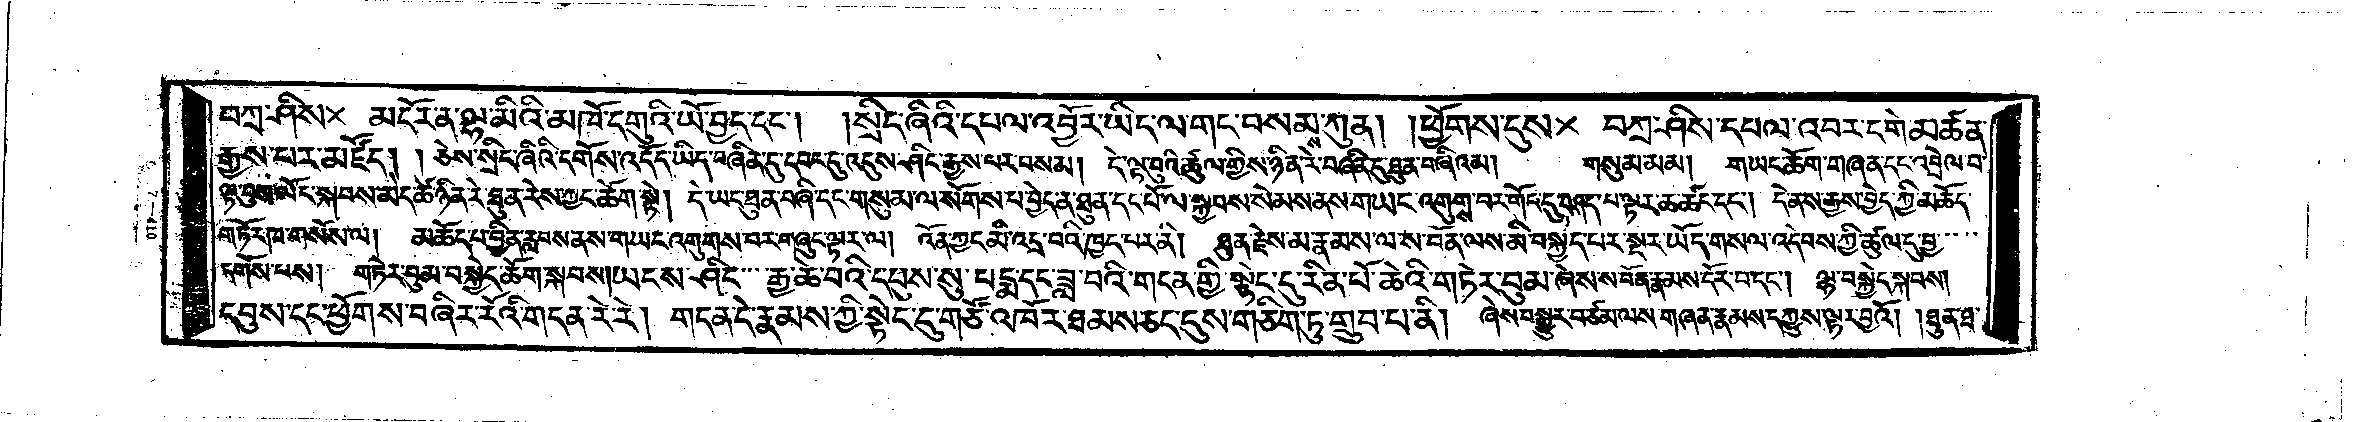བཀྲ་ཤིས་྾་མདོར་ན་ལྷ་མིའི་མཁོ་དགུའི་ཡོ་བྱད་དང་། །སྲིད་ཞིའི་དཔལ་འབྱོར་ཡིད་ལ་གང་བསམ་ཀུན། །ཕྱོགས་དུས་྾་བཀྲ་ཤིས་དཔལ་འབར་དགེ་མཚན་
རྒྱས་པར་མཛོད། །ཅེས་སྲིད་ཞིའི་དགོས་འདོད་ཡིད་བཞིན་དུ་དབང་དུ་འདུས་ཤིང་རྒྱས་པར་བསམ། དེ་ལྟ་བུའི་ཚུལ་གྱིས་ཉིན་རེ་བཞིན་དུ་ཐུན་བཞིའམ། གསུམ་མམ། གཡང་ཆོག་གཞན་དང་འབྲེལ་བ་
ལྟ་བུས་ལོང་སྐབས་མེད་ཚེ་ཉིན་རེ་ཐུན་རེས་ཀྱང་ཆོག་སྟེ། དེ་ཡང་ཐུན་བཞི་དང་གསུམ་ལ་སོགས་པ་བྱེད་ན་ཐུན་དང་པོ་ལ་སྐྱབས་སེམས་ནས་གཡང་འགུགས་བར་གོང་དུ་བཤད་པ་ལྟར་ཆ་ཚང་དང་། དེ་ནས་རྒྱས་བྱེད་ཀྱི་མཆོད་
གཏོར་ཁ་གསོས་ལ། མཆོད་པ་བྱིན་རླབས་ནས་གཡང་འགུགས་པར་གཞུང་ལྟར་ལ། འོན་ཀྱང་མི་འདྲ་བའི་ཁྱད་པར་ནི། ཐུན་རྗེས་མ་རྣམས་ལ་ས་བོན་ལས་མི་བསྐྱེད་པར་སྔར་ཡོད་གསལ་འདེབས་ཀྱི་ཚུལ་དུ་བྱ་
དགོས་པས། གཏེར་བུམ་བསྐྱེད་ཆོག་སྐབས་།ཡངས་ཤིང་རྒྱ་ཆེ་བའི་དབུས་སུ་པདམ་དང་ཟླ་བའི་གདན་གྱི་སྟེང་དུ་རིན་པོ་ཆེའི་གཏེར་བུམ་ཞེས་ས་བོན་རྣམས་དོར་བ་དང་། ལྷ་བསྐྱེད་སྐབས།
དབུས་དང་ཕྱོགས་པ་ཞིར་རོའི་གདན་རེ་རེ། གདན་དེ་རྣམས་ཀྱི་སྟེང་དུ་གཙོ་འཁོར་ཐམས་ཅད་དུས་གཅིག་ཏུ་གྲུབ་པ་ནི། ཞེས་བསྒྱུར་བ་ཙམ་ལས་གཞན་རྣམས་དཀྱུས་ལྟར་བྱའོ། །ཐུན་ཐ་